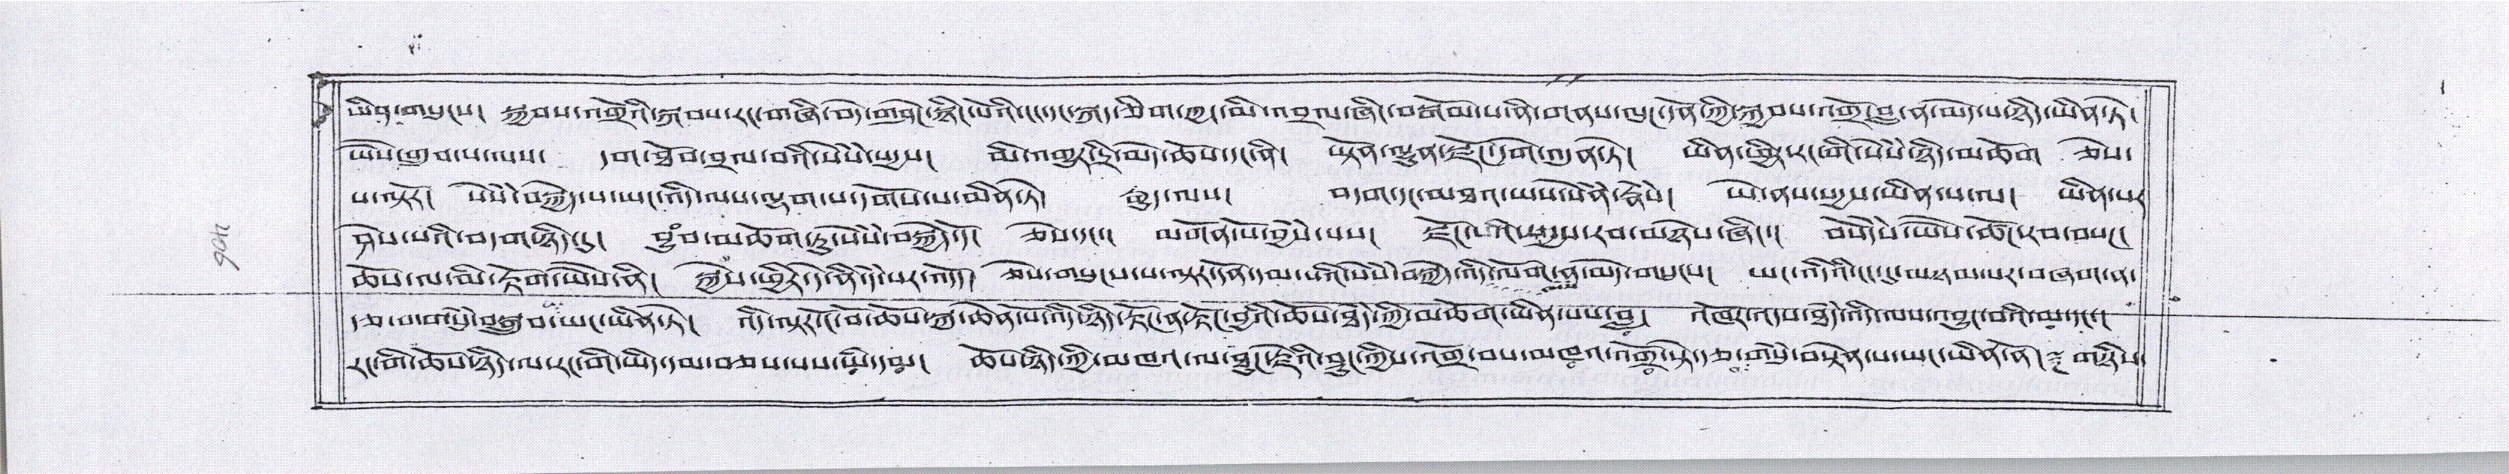ཡིན་གསུངས། སྐྱབས་འགྲོའི་སྐབས་རང་བཞིན་བདེར་གཤེགས་སྙིང་པོའི་ངང་དང་སྐད་ཅིག་ཀྱང་མི་འབྲལ་ཞིང་བསྒོམ་པ་ནི་གནས་ལུགས་དོན་གྱི་སྐྱབས་འགྲོ་བླ་ན་མེད་པ་ཉིད་ཡིན་ཏེ། 
ཡེ་ཤེས་གྲུབ་པ་ལས། དག་ཐོབ་བྲལ་བའི་སེམས་སངས་རྒྱས། མི་འགྱུར་དྲི་མེད་ཆོས་དང་ནི། ཡོན་ཏན་ལྷུན་རྫོགས་དགེ་འདུན་ཏེ། ཡིན་ཕྱིར་རང་གི་སེམས་ཉིད་མཆོག ཅེས་
པ་ལྟར་རོ། སེམས་བསྐྱེད་པ་ཡང་འདི་ལས་ལྷག་པ་ཞིག་དགོས་པ་ཡིན་ཏེ། རྒྱུད་ལས། བདག་དང་མཐའ་ཡས་སེམས་ཅན་རྣམས། ཡེ་ནས་སངས་རྒྱས་ཡིན་པ་ལ། ཡིན་པར་
ཤེས་པའི་བདག་ཉིད་དུ། བྱང་ཆུབ་མཆོག་ཏུ་སེམས་བསྐྱེད་དོ། ཅེས་དང་། མགོན་པོ་བྱམས་པས། རྫོགས་པའི་སངས་རྒྱས་རབ་མཉེས་ཤིང་། བསོད་ནམས་ཡེ་ཤེས་ཚོགས་རབ་བསགས། 
ཆོས་ལ་མི་རྟོག་ཡེ་ཤེས་ནི། སྐྱེས་ཕྱིར་དེ་ནི་དམ་པར་འདོད། ཅེས་གསུངས་པ་ལྟར་དོན་དམ་པའི་སེམས་བསྐྱེད་འདི་ལས་ལོགས་ན་མེད་གསུངས། ཡང་འདིའི་ངང་དུ་མཉམ་པར་བཞག་ན་
རྩ་བ་གསུམ་བསྒྲུབ་པའང་ཡིན་ཏེ། འདི་ལྟར་ངོ་བོ་ཆོས་སྐུ་ཆེན་པོ་འདི་ཉིད་རྟོགས་ན་རྟོགས་བྱའི་ཆོས་ཐམས་ཅད་ཀྱི་མཆོག་ཡིན་པས་བླ། འཁོར་འདས་ཐམས་ཅད་འདི་ལས་འབྱུང་བས་མ་དང་། 
རང་གི་ཆོས་ཉིད་ལ་རང་གི་ཡི་དམ་བཅས་པས་ཡི་དམ། ཆོས་ཉིད་ཀྱི་མཁའ་ལ་ཐུགས་རྗེའི་ཤུགས་ཀྱིས་འགྲོ་བས་མཁའ་འགྲོ་སྟེ་རྩ་གསུམ་བསྟེན་པ་ཡང་ཡིན་ནོ། ༧ གཉིས་